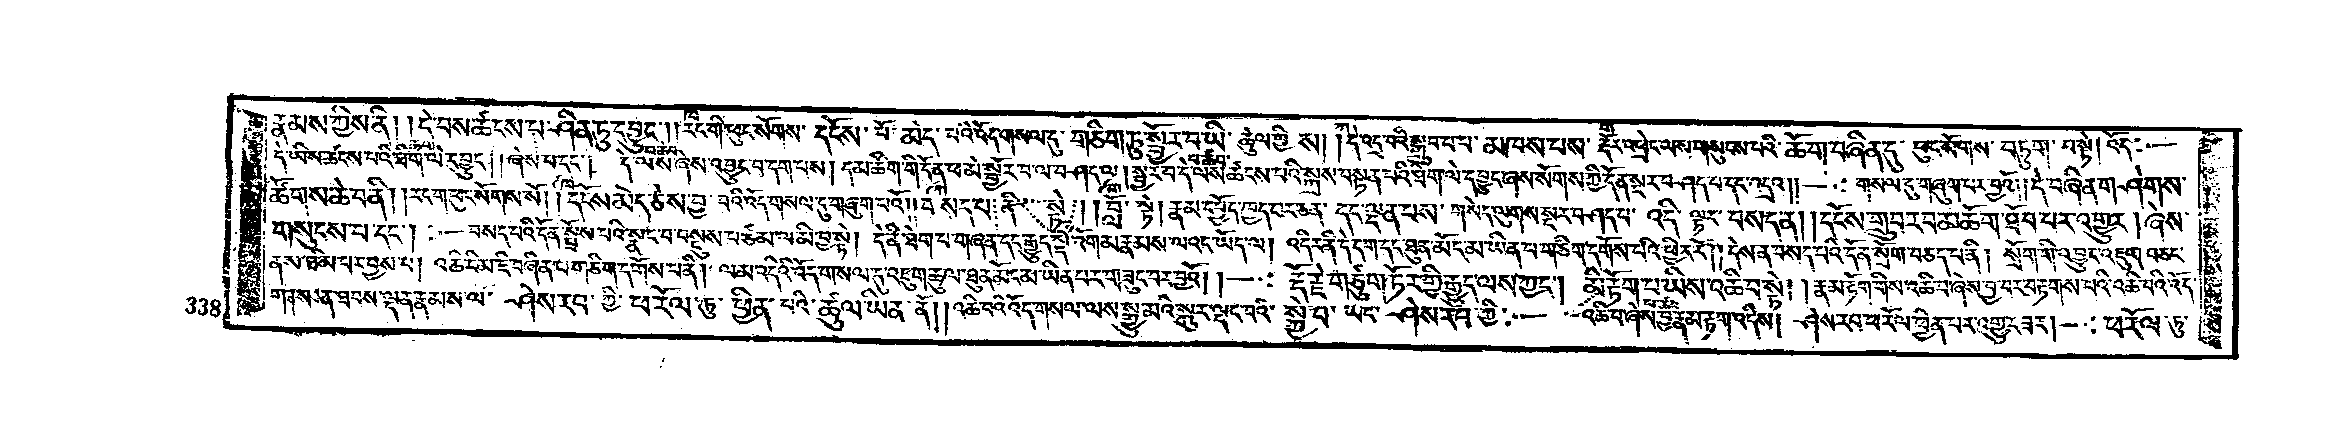རྣམས་ཀྱིས་ནི། །དེ་བས་ཚངས་པ་ཤིན་ཏུ་དབྱུང་། ། ཁ་རང་གི་ཕུང་སོགས་དངོས་པོ་མེད་པའི་འོད་གསལ་དུ་གཅིག་ཏུ་སྦྱོར་བ་ཡི་ཚུལ་གྱིས། ། ཀ་དེ་འདྲ་བའི་སྒྲུབ་པ་པ་མཁས་པས་ག་རྡོར་འཕྲེང་ལས་གསུངས་པའི་ཆོག་བཞིན་དུ་ཕུང་སོགས་བཏུག་པ་སྟེ། འོད་
དེ་ཡིས་ཚངས་པའི་ཐིག་ཆག་ལ་དབྱུང་། །ཞེས་པ་དང་། དེ་པ་ཚབ་ལས་ཞེས་འབྱུང་བ་དག་པས། དམ་ཚིག་གི་དོན་ཕ་མེ་སྦྱོར་བ་ལ་བཤད་ལ། སྦྱར་བ་དེ་པ་ཚབ་ལས་ཚངས་པའི་སྒྲས་བསྟན་པའི་ཐིག་ལེ་དབྱུང་ཞེས་སོགས་ཀྱི་དོན་སྔར་བཤད་པ་དང་འདྲའོ།། གསལ་དུ་གཞུག་པར་བྱའོ། །དེ་བཞིན་གཤེགས་
ཚོགས་ཆེ་བ་ནི། ། རང་གི་ཕུང་སོགས་སོ། །ཁ་དངོས་མེད་ཅེས་བྱ་བའི་འོད་གསལ་དུ་གཞུག་པའོ། ། ?ཀ་བསད་པ་ནི་སྟེ། ། ?ག་བློ་སྟེ། རྣམ་དཔྱོད་ཁྱད་པར་ཅན་དང་ལྡན་པས་གསེད་ལུགས་སྔར་བཤད་པ་འདི་ལྟར་བསད་ན། །དངོས་གྲུབ་རབ་མཆོག་ཐོབ་པར་འགྱུར། ཞེས་
གསུངས་པ་དང་། བསད་པའི་དོན་སྤྲོས་པའི་སྣང་བ་བསྡུས་པ་ཙམ་ལ་མི་བྱ་སྟེ། དེ་ནི་ཐེག་པ་གཞན་དང་རྒྱུད་སྡེ་འོག་མ་རྣམས་ལའང་ཡོད་ལ། འདིར་ནི་དེ་དག་དང་ཐུན་མོང་མ་ཡིན་པ་གཅིག་དགོས་པའི་ཕྱིར་རོ། །དེས་ན་བསད་པའི་དོན་སྲོག་བཅད་པ་ནི། སྲོག་གི་འབྱུང་འཇུག་བཅད་
ནས་ཐིམ་པར་བྱས་པ། །འཆི་རིམ་ཇི་བཞིན་པ་གཅིག་དགོས་པ་ནི། ལམ་འདིའི་འོད་གསལ་དུ་འཇུག་ཚུལ་ཐུན་མོང་མ་ཡིན་པར་གཟུང་བ་བྱའོ། །རྡོ་རྗེ་གཙུག་ཏོར་གྱི་རྒྱུད་ལས་ཀྱང་། མི་རྟོག་པ་ཡིས་འཆི་བ་སྟེ། །རྣམ་རྟོག་གིས་འཆི་བ་ཞེས་བྱ་བར་བརྟགས་པའི་འཆི་བའི་འོད་
གསལ་ན་ཐབས་ལྡན་རྣམས་ལ་ཤེས་རབ་ཀྱི་ཕ་རོལ་ཏུ་ཕྱིན་པའི་ཚུལ་ཡིན་ནོ། །འཆི་བའི་འོད་གསལ་ལས་སྒྱུ་མའི་སྐུར་ལྡང་བའི་སྐྱེ་བ་ཡང་ཤེས་རབ་ཀྱི་འཆི་བ་ཞེས་པ་ཚབ་བྱ་རྣམ་རྟག་འདིས། ཤེས་རབ་ཕ་རོལ་ཕྱིན་པར་འགྱུར་ཟར། ཕ་རོལ་ཏུ